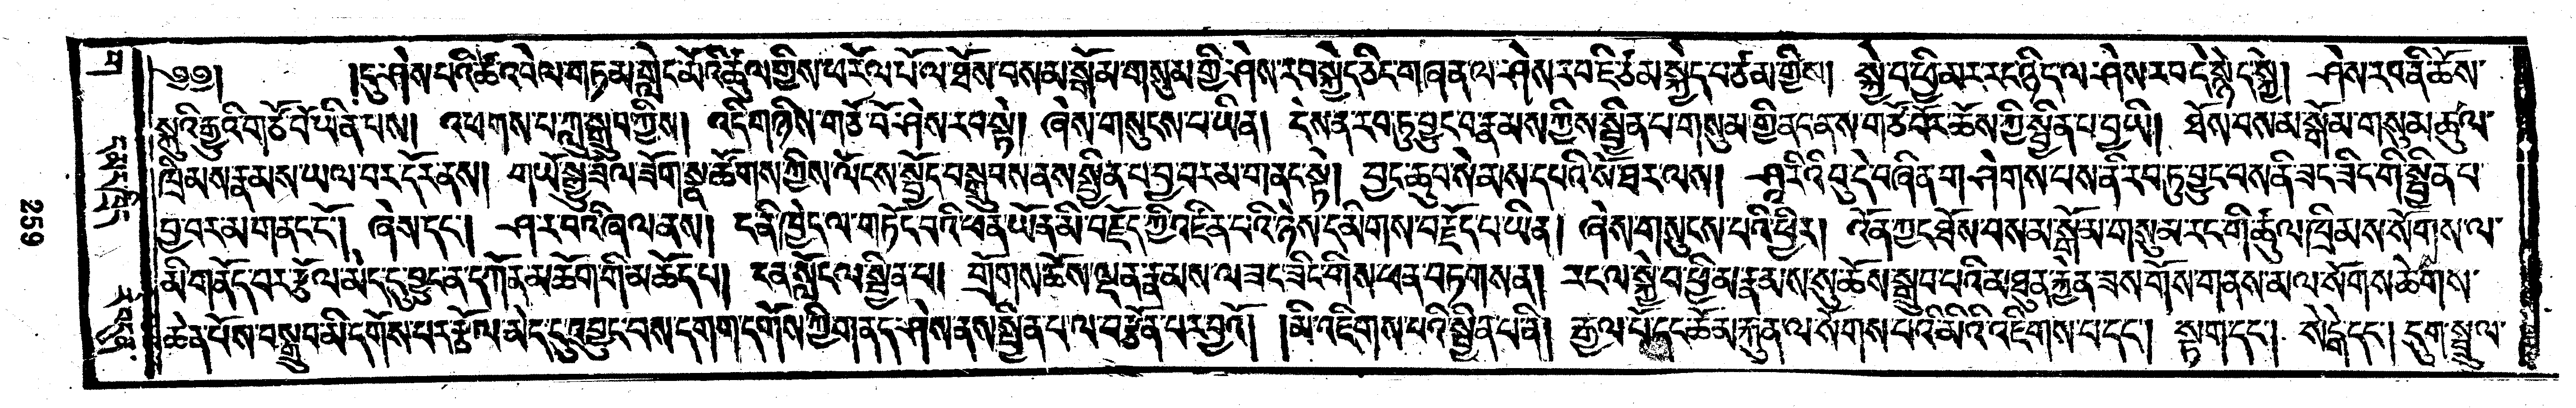༄༅། །དུ་ཤེས་པའི་ཚ་འབྲེལ་གཏམ་གླེང་མོའི་ཚུལ་གྱིས་ཕ་རོལ་པོ་ལ་ཐོས་བསམ་སྒོམ་གསུམ་གྱི་ཤེས་རབ་བསྐྱེད་ཅིང་གཞན་ལ་ཤེས་རབ་ཇི་ཙམ་སྐྱེད་པ་ཙམ་གྱིས། སྐྱེ་བ་ཕྱི་མར་རང་ཉིད་ལ་ཤེས་རབ་དེ་སྙེད་སྐྱེ། ཤེས་རབ་ནི་ཆོས་
སྐུའི་རྒྱུའི་གཙོ་བོ་ཡིན་པས། འཕགས་པ་ཀླུ་སྒྲུབ་ཀྱིས། འདི་གཉིས་གཙོ་བོ་ཤེས་རབ་སྟེ། ཞེས་གསུངས་པ་ཡིན། དེས་ན་རབ་ཏུ་བྱུང་བ་རྣམས་ཀྱིས་སྦྱིན་པ་གསུམ་གྱི་ནང་ནས་གཙོ་བོར་ཆོས་ཀྱི་སྦྱིན་པ་བྱ་ཡི། ཐོས་བསམ་སྒོམ་གསུམ་ཚུལ་
ཁྲིམས་རྣམས་ཡལ་བར་དོར་ནས། གཡོ་སྒྱུ་ཟལ་ཟོག་སྣ་ཚོགས་ཀྱིས་ལོངས་སྤྱོད་བསྒྲུབས་ནས་སྦྱིན་པ་བྱ་བར་མ་གནང་སྟེ། བྱང་ཆུབ་སེམས་དཔའི་སོ་ཐར་ལས། ཤཱ་རིའི་བུ་དེ་བཞིན་གཤེགས་པས་ནི་རབ་ཏུ་བྱུང་བས་ནི་ཟང་ཟིང་གི་སྦྱིན་པ་
བྱ་བར་མ་གནང་ངོ། ཞེས་དང་། ཤ་ར་བའི་ཞལ་ནས། ད་ནི་ཁྱེད་ལ་གཏོང་བའི་ཕན་ཡོན་མི་བརྗོད་ཀྱི་འཛིན་པའི་ཉེས་དམིགས་བརྗོད་པ་ཡིན། ཞེས་གསུངས་པའི་ཕྱིར། འོན་ཀྱང་ཐོས་བསམ་སྒོ་མ་གསུམ་རང་གི་ཚུལ་ཁྲིམས་སོགས་ལ་
མི་གནོད་པར་རྩོལ་མེད་དུ་བྱུང་ན་དཀོན་མཆོག་གི་མཆོད་པ། ངན་སློང་ལ་སྦྱིན་པ། གྲོགས་ཆོས་ལྡན་རྣམས་ལ་ཟང་ཟིང་གིས་ཕན་བཏགས་ན། རང་ལ་སྐྱེ་བ་ཕྱི་མ་རྣམས་སུ་ཆོས་སྒྲུབ་པའི་མཐུན་རྐྱེན་ཟས་གོས་གནས་མ་ལ་སོགས་ཆེགས་
ཆེན་པོས་བསྒྲུབ་མི་དགོས་པར་རྩོལ་མེད་དུ་འབྱུང་བས་དགག་དགོས་ཀྱི་གནད་ཤེས་ནས་སྦྱིན་པ་ལ་བརྩོན་པར་བྱའོ། །མི་འཇིགས་པའི་སྦྱིན་པ་ནི། རྒྱལ་པོ་དང་ཆོམ་རྐུན་ལ་སོགས་པའི་མིའི་འཇིགས་པ་དང་། སྟག་དང་། སེངྒེ་དང་། དུག་སྦྲུལ་